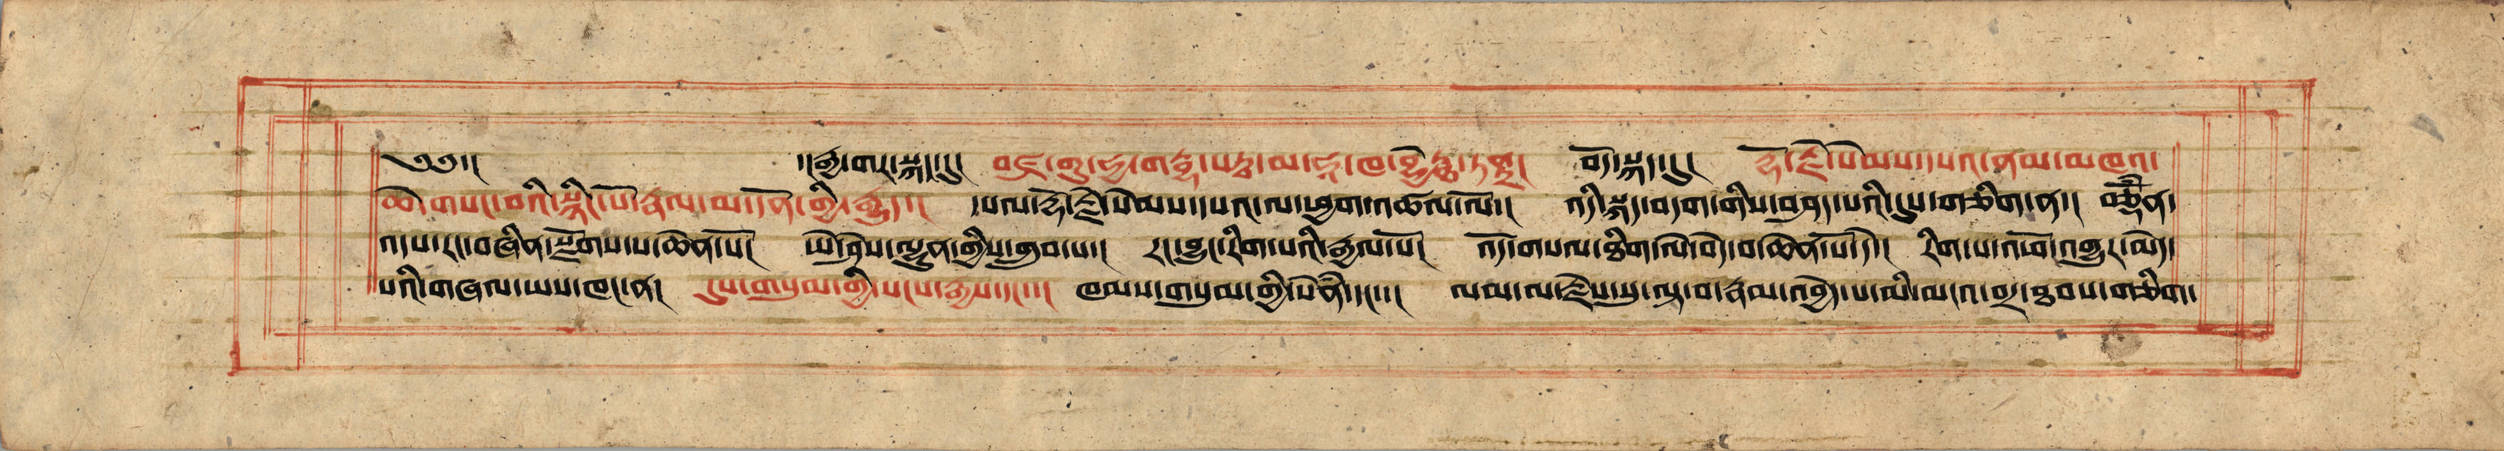༄༅་། ་།རྒྱ་གར་སྐད་དུ། བཛྲ་གུ་ཧྱ་གརྦྷ་སཏྭ་མ་ཧཱ་ཁ་བྷྱེ་ཏྠ་ཏནྟྲ། བོད་སྐད་དུ། རྡོ་རྗེ་སེམས་དཔའ་ནམ་མཁའ་
ཚེ་གསང་བའི་སྙིང་པོ་རྣལ་མ་དོན་གྱི་རྒྱུད་། དཔལ་རྡོ་རྗེ་སེམས་དཔའ་ལ་ཕྱག་འཚལ་ལོ་། འདི་སྐད་བདག་གིས་བཤད་པའི་དུས་གཅིག་ན་། བཅྡོཾན་
འདས་རང་བཞིན་སྫོགས་པ་ཆེན་པོ། ཡེ་ཤེས་ལྷུན་གྱིས་གྲུབ་པ་། རང་བྱུང་རིག་པའི་རྒྱལ་པོ། འོད་གསལ་ཐིག་ལེ་བདེ་བ་ཆེན་པོ་དེ་། རིག་པ་འཕོ་འགྱུར་མེད་
པའི་གཞལ་ཡས་ཁང་ན། དུས་གསུམ་གྱི་སངས་རྒྱས་དང་་། ཁམས་གསུམ་གྱི་སེཾན་དང་་། ལམ་ལ་རྗེས་སུ་ལྟ་བ་རྣམ་འབྱེད་པ་མི་མངའ་བར་ཐབས་གཅིག་